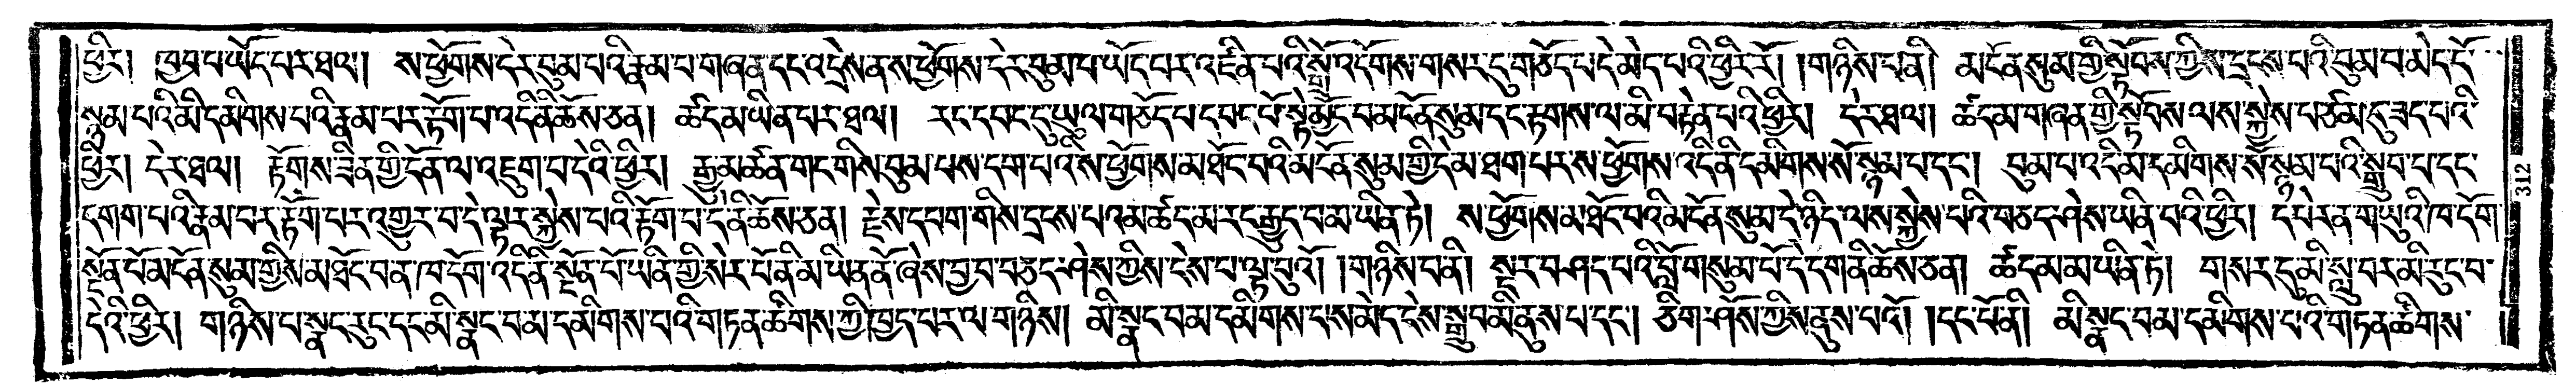ཕྱིར། ཁྱབ་པ་ཡོད་པར་ཐལ། ས་ཕྱོགས་དེར་བུམ་པའི་རྣམ་པ་གཞན་དང་འདྲེས་ནས་ཕྱོགས་དེར་བུམ་པ་ཡོད་པར་འཛིན་པའི་སྒྲོ་འདོགས་གསར་དུ་གཅོད་པ་དེ་མེད་པའི་ཕྱིར་རོ། །གཉིས་པ་ནི། མངོན་སུམ་གྱི་སྟོབས་ཀྱིས་དྲངས་པའི་བུམ་པ་མེད་དོ་
སྙམ་པའི་མི་དམིགས་པའི་རྣམ་པར་རྟོག་པ་འདི་ནི་ཆོས་ཅན། ཚད་མ་ཡིན་པར་ཐལ། རང་དབང་དུ་ཡུལ་གཅོད་པ་དབང་པོ་སྟེ་མྱོང་བ་མངོན་སུམ་དང་རྟགས་ལ་མི་བརྟེན་པའི་ཕྱིར། དེར་ཐལ། ཚད་མ་གཞན་གྱི་སྟོབས་ལས་སྐྱེས་པ་ཙམ་དུ་ཟད་པའི་
ཕྱིར། དེར་ཐལ། རྟོགས་ཟིན་གྱི་དོན་ལ་འཇུག་པ་དེའི་ཕྱིར། རྒྱུ་མཚན་གང་གིས་བུམ་པས་དག་པའི་ས་ཕྱོགས་མཐོང་བའི་མངོན་སུམ་གྱི་དེ་མ་ཐག་པར་ས་ཕྱོགས་འདི་ནི་དམིགས་སོ་སྙམ་པ་དང་། བུམ་པ་འདི་མ་དམིགས་སོ་སྙམ་པའི་སྒྲུབ་པ་དང་
དགག་པའི་རྣམ་བར་རྟོག་པར་འགྱུར་བ་དེ་ལྟར་སྐྱེས་པའི་རྟོག་པ་དེ་ནི་ཆོས་ཅན། རྗེས་དཔག་གིས་དྲངས་པའམ་ཚད་མ་རང་རྒྱུད་པ་མ་ཡིན་ཏེ། ས་ཕྱོགས་མཐོང་བའི་མངོན་སུམ་དེ་ཉིད་ལས་སྐྱེས་པའི་བཅད་ཤེས་ཡིན་པའི་ཕྱིར། དཔེར་ན་གཡུའི་ཁ་དོག་
སྔོན་པོ་མངོན་སུམ་གྱིས་མཐོང་བ་ན་ཁ་དོག་འདི་ནི་སྔོན་པོ་ཡིན་གྱི་སེར་པོ་ནི་མ་ཡིན་ནོ་ཞེས་བྱ་བ་བཅད་ཤེས་ཀྱིས་ངེས་པ་ལྟ་བུའོ། །གཉིས་པ་ནི། སྔར་བཤད་པའི་བློ་གསུམ་པོ་དེ་དག་ནི་ཆོས་ཅན། ཚད་མ་མ་ཡིན་ཏེ། གསར་དུ་མི་སླུ་བར་མི་རུང་བ་
དེའི་ཕྱིར། གཉིས་པ་སྣང་རུང་དང་མི་སྣང་བ་མ་དམིགས་པའི་གཏན་ཚིགས་ཀྱི་ཁྱད་པར་ལ་གཉིས། མི་སྣང་བ་མ་དམིགས་པས་མེད་ངེས་སྒྲུབ་མི་ནུས་པ་དང་། ཅིག་ཤོས་ཀྱིས་ནུས་པའོ། །དང་པོ་ནི། མི་སྣང་བམ་དམིགས་པའི་གཏན་ཚིགས་